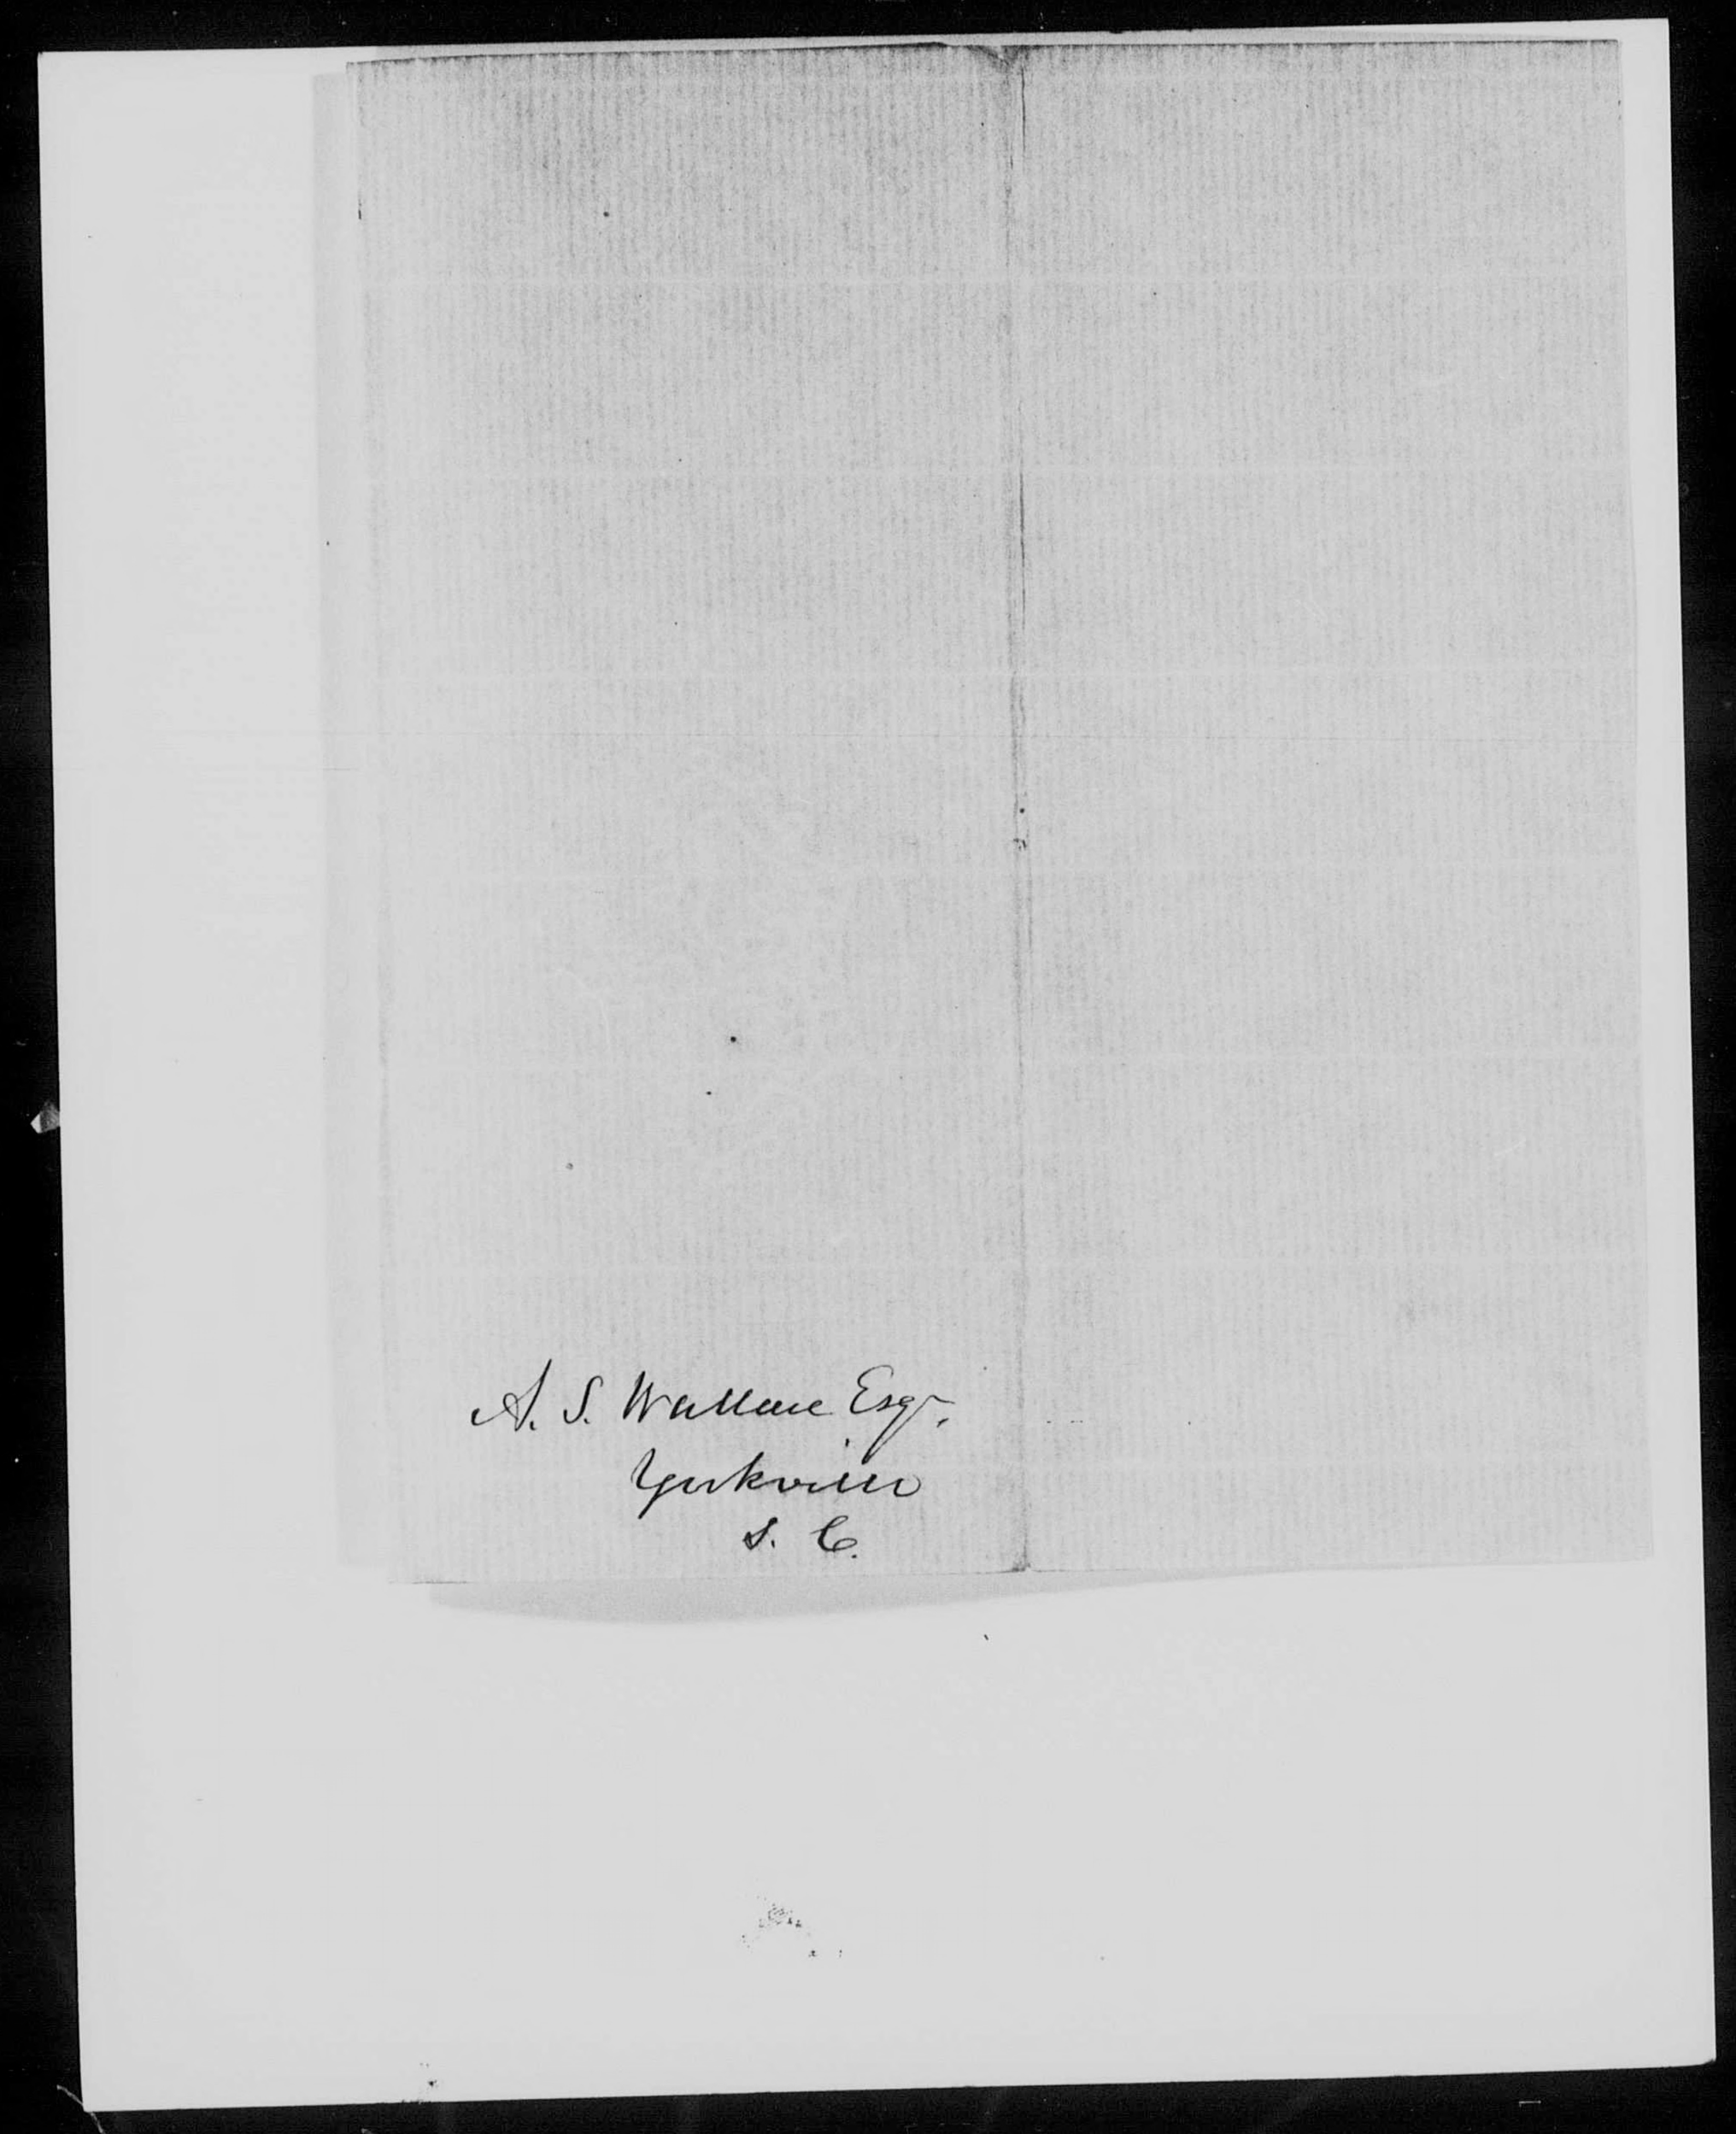A. S. Wallace Esqr.
Yorkville
S. C.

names: A S Wallace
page: 44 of 51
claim: widow's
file: W. 9700, Denney Anderson, S.C.